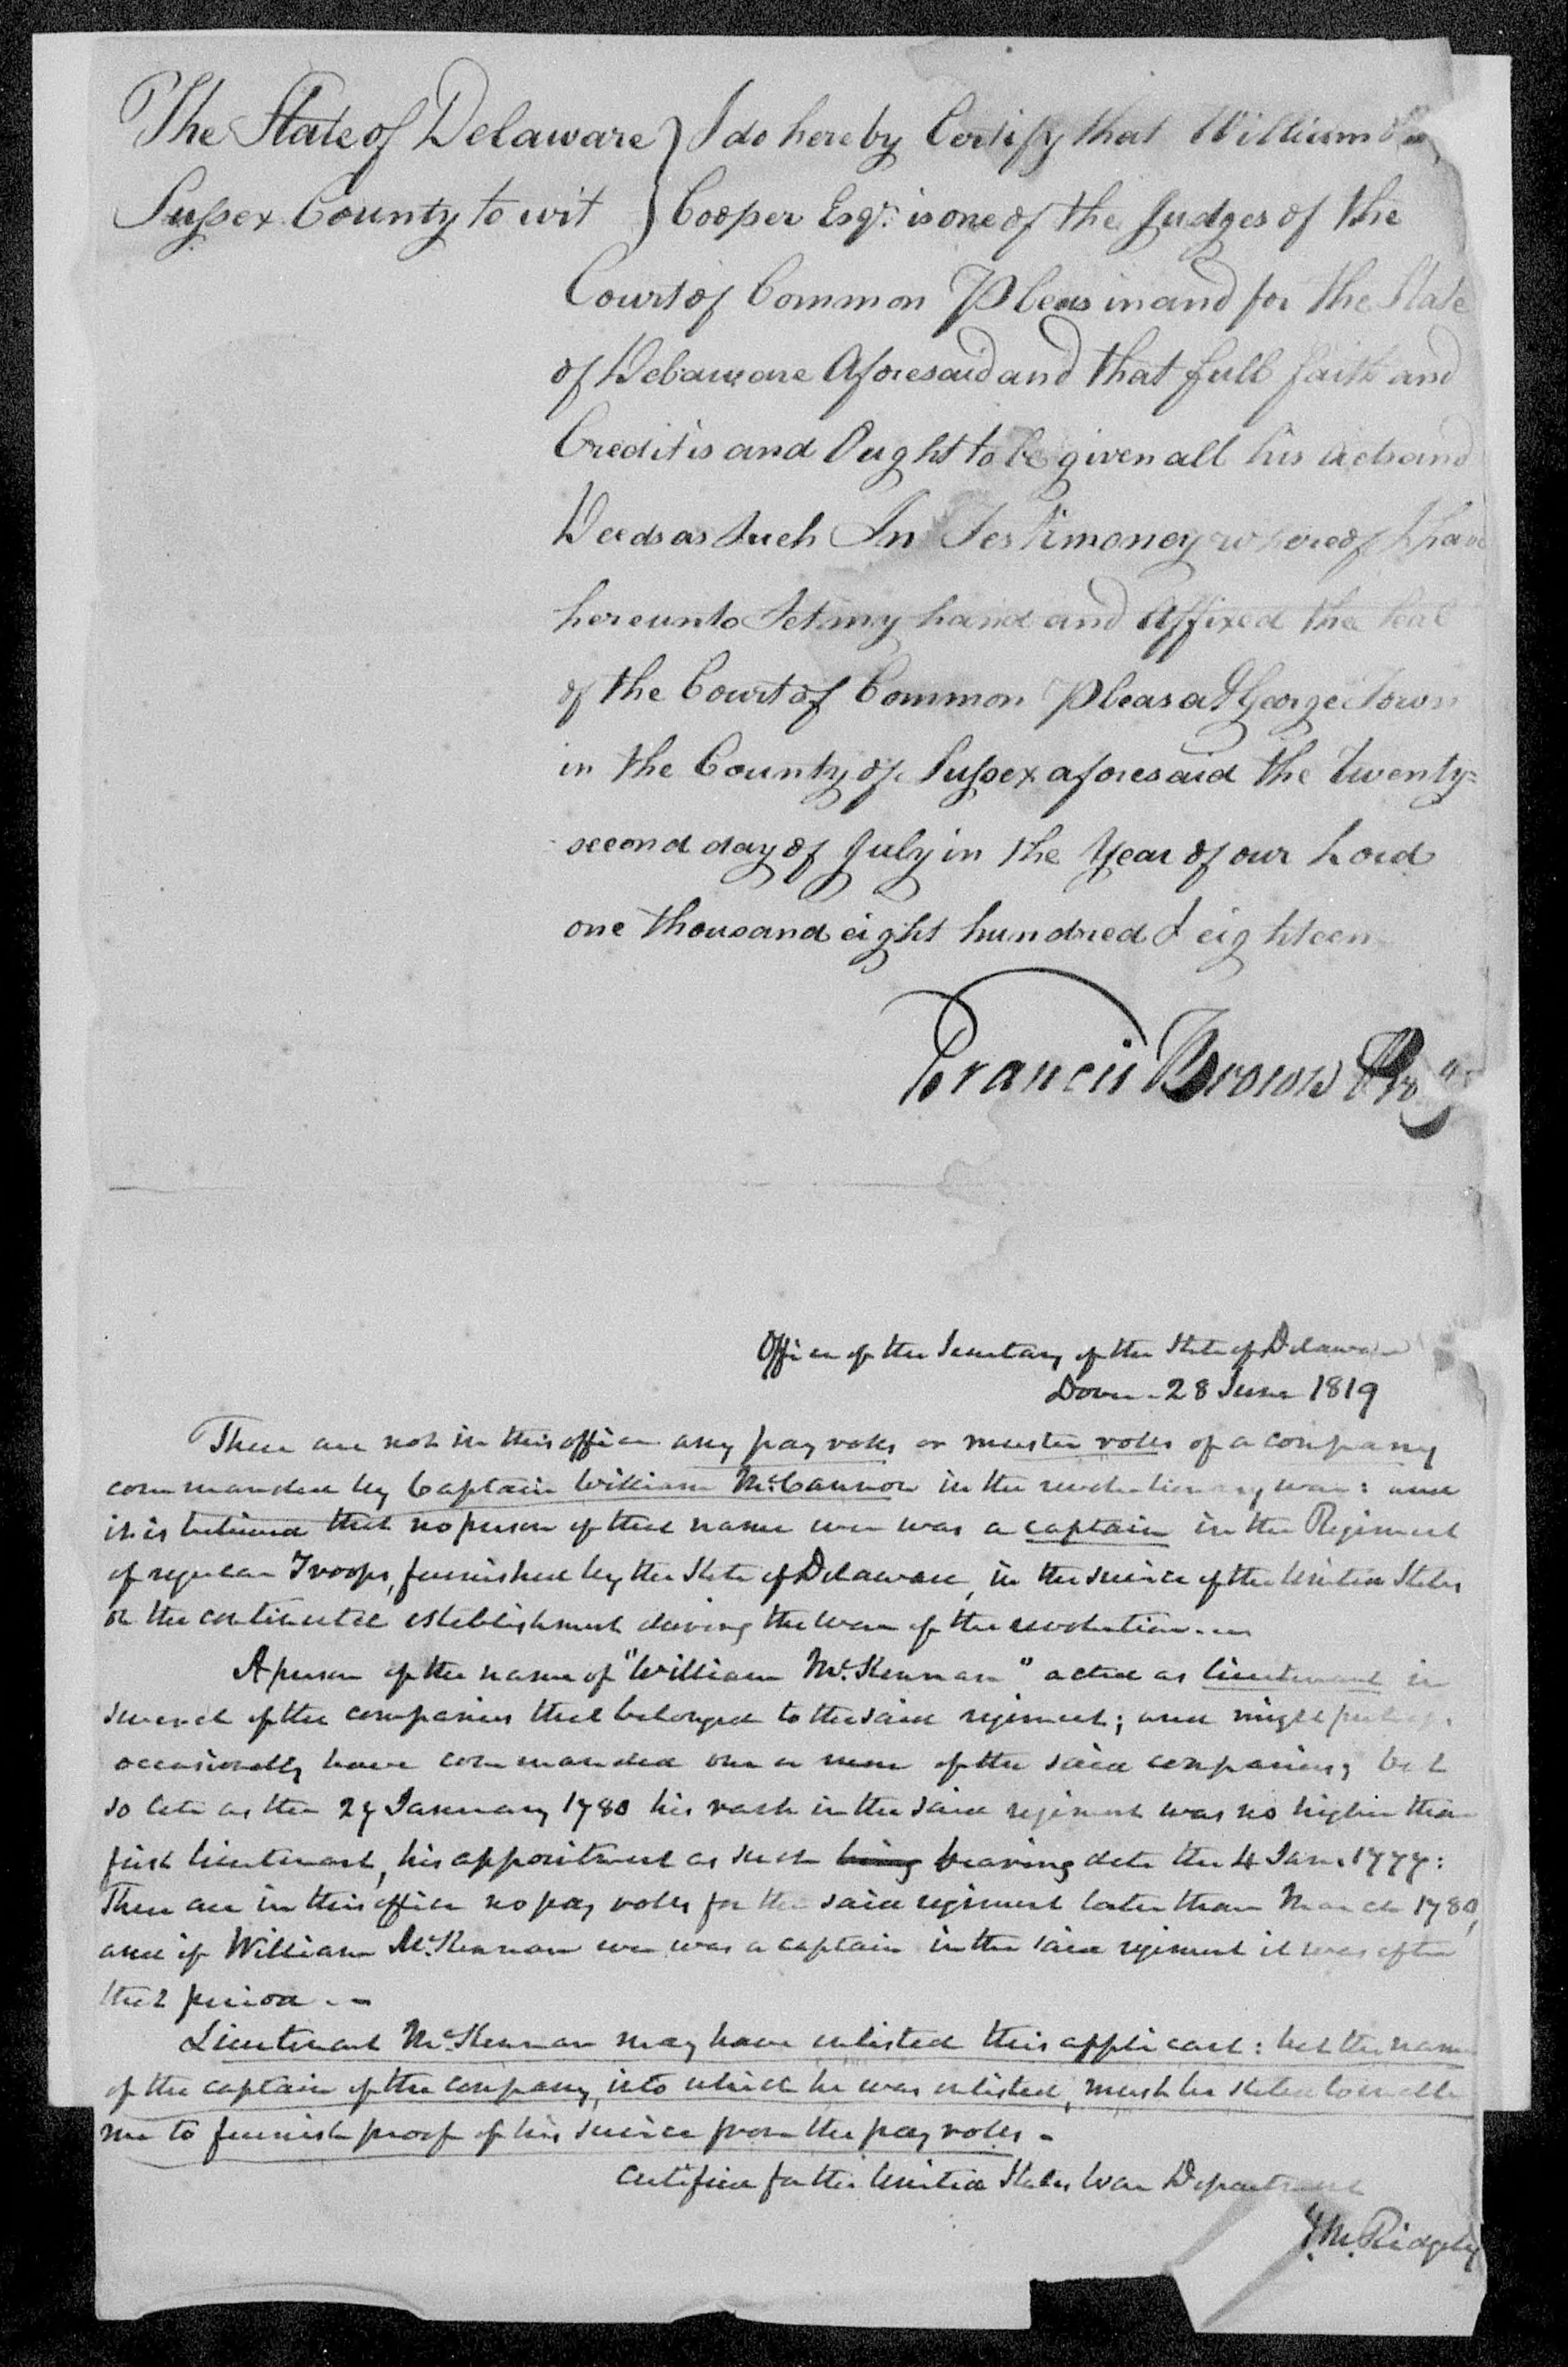The State of Delaware
Sussex County to wit
I do hereby certify that William [illegible]
Cooper Esq. is one of the Judges of the
Court of Common Pleas in and for the State of
Delaware Aforesaid and that full faith and
Credit is and Ought to be given all his acts and
Deeds as such In Testimony whereof I have
hereunto Set my hand and Affixed the Seal
of the Court of Common Pleas at George Town
in the County of Sussex aforesaid the twenty
second day of July in the Year of our Lord
one thousand eight hundred & eighteen
Francis Brown Pro [illegible]
Office of the Secretary of the State of Delaware
Dover 28 June 1819
There are not in this office any pay roles or muster rolls of a company
commanded by Captain William McCannon in the revolutionary war: and
it is believed that no person of that name we was a captain in the Regiment
of regular Troops furnished by the State of Delaware, in the service of the Unites States
of the continued establishment during the war of the revolution.
A person of the name of "William McKennan" acted as Lieutenant in
[illegible] of the companies that belonged to the said regiment; and might [illegible],
occasionally have commanded our in men of the said companies, but
to late after 27 January 1780 his rack in the said regiment was no higher than
first lieutenant, his appointment as such being bearing date the 4 Jan 1777:
There are in this office no pay rolls for the said regiment later than March 1780,
and if William McKennan we was a captain in the said regiment it was after
that period.
Lieutenant McKennan may have enlisted this applicant; but the name of
the captain of the company, into which he was enlisted, must be [illegible] 
me to furnish proof of his service from the pay roles.
Certified fa this United States War Depart
[a piece of the paper tore and obscured the beginning of the signature] he Ridgely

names: H M Ridgely, Francis Brown, William Cooper, Mc Kennan, William Mc Cannon, William Mc Kennan, William Mc Kennan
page: 4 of 21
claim: survivor's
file: S. 36017, Major Hitchens, Del.